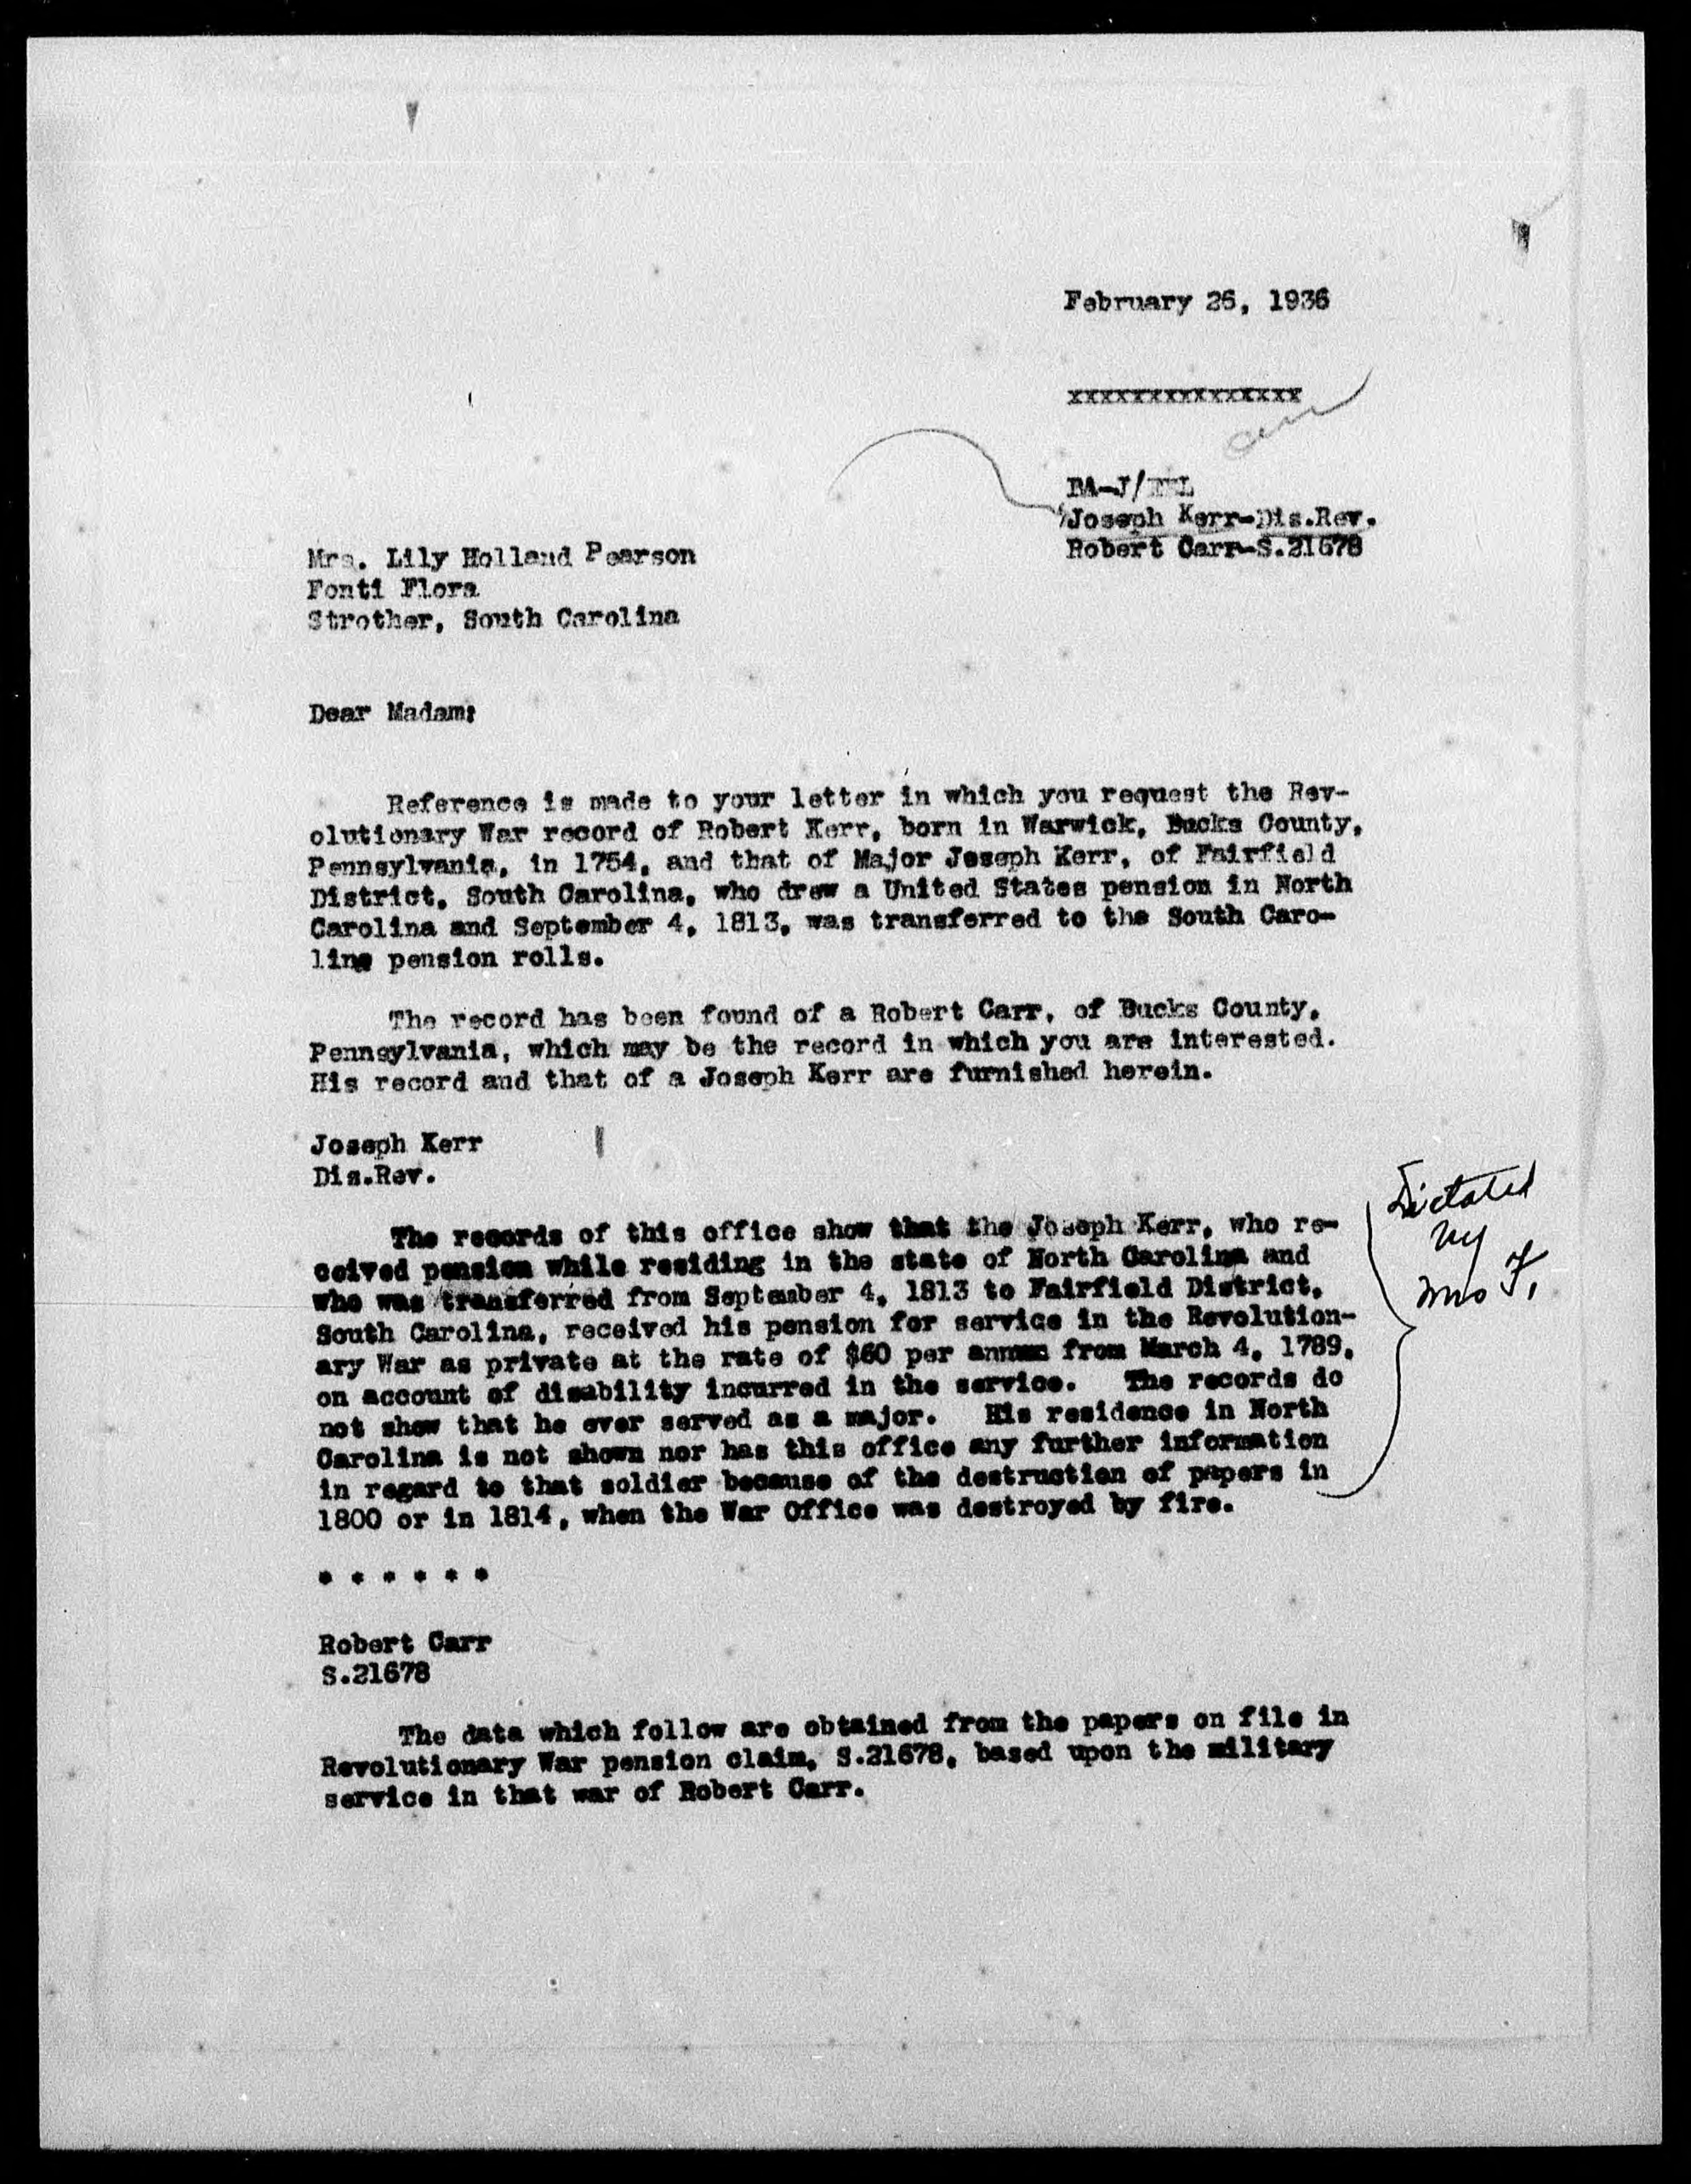[typewritten letter]

February 25, 1936

xxxxxxxxxxxxxxxxx

[illegible; initials?]

Mrs. Lily Holland Pearson
Fonti Flora
Strother, South Carolina

[to right of address]
PA-J\EEL
Joesph Kerr-Dis.Rev.
Robert Carr-S.21678

Dear Madam:
Reference is made to your letter in which our request the Revolutionary War record of Robert Kerr,, born in Warwick, Bucks County, Pennsylvania in 1754, and that of Major Joseph Kerr of Fairfield District, South Carolina, who drew a United States pension in North Carolina and September 4, 1813, was transferred to the South Carolina pension rolls.

The record has been found of a Robert Carr, of Bucks County, Pennsylvania, which may be the record in which you are interested.  His record and that of a Joseph Kerr are furnished herein.

Joseph Kerr
Dis.Rev.

[The following paragraph] Dictated by [illegible Mrs.?] F.
The records of this office show that the Joseph Kerr, who received pension while residing in the state of North Carolina and who was transferred from September 4, 1813 to Fairfield District, South Carolina, received his pension for service in the Revolutionary War as private at the rate of $[illegible 60?] per annum from March 4, 1789, on account of disability incurred in the service.  The records do not show that he ever served as a major.  His residence in North Carolina is not shown nor has this office any further information in regard to that soldier because of the destruction of papers in 1800 or in 1814, when the War Office was destroyed by fire.

* * * * * *

Robert Carr
S.21678

The data which; follow are obtained from the papers on file in the Revolutionary War pension claim, S.21678, based upon the military service in that war of Robert Carr.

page: 5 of 6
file: for Joseph Kerr, North Carolina